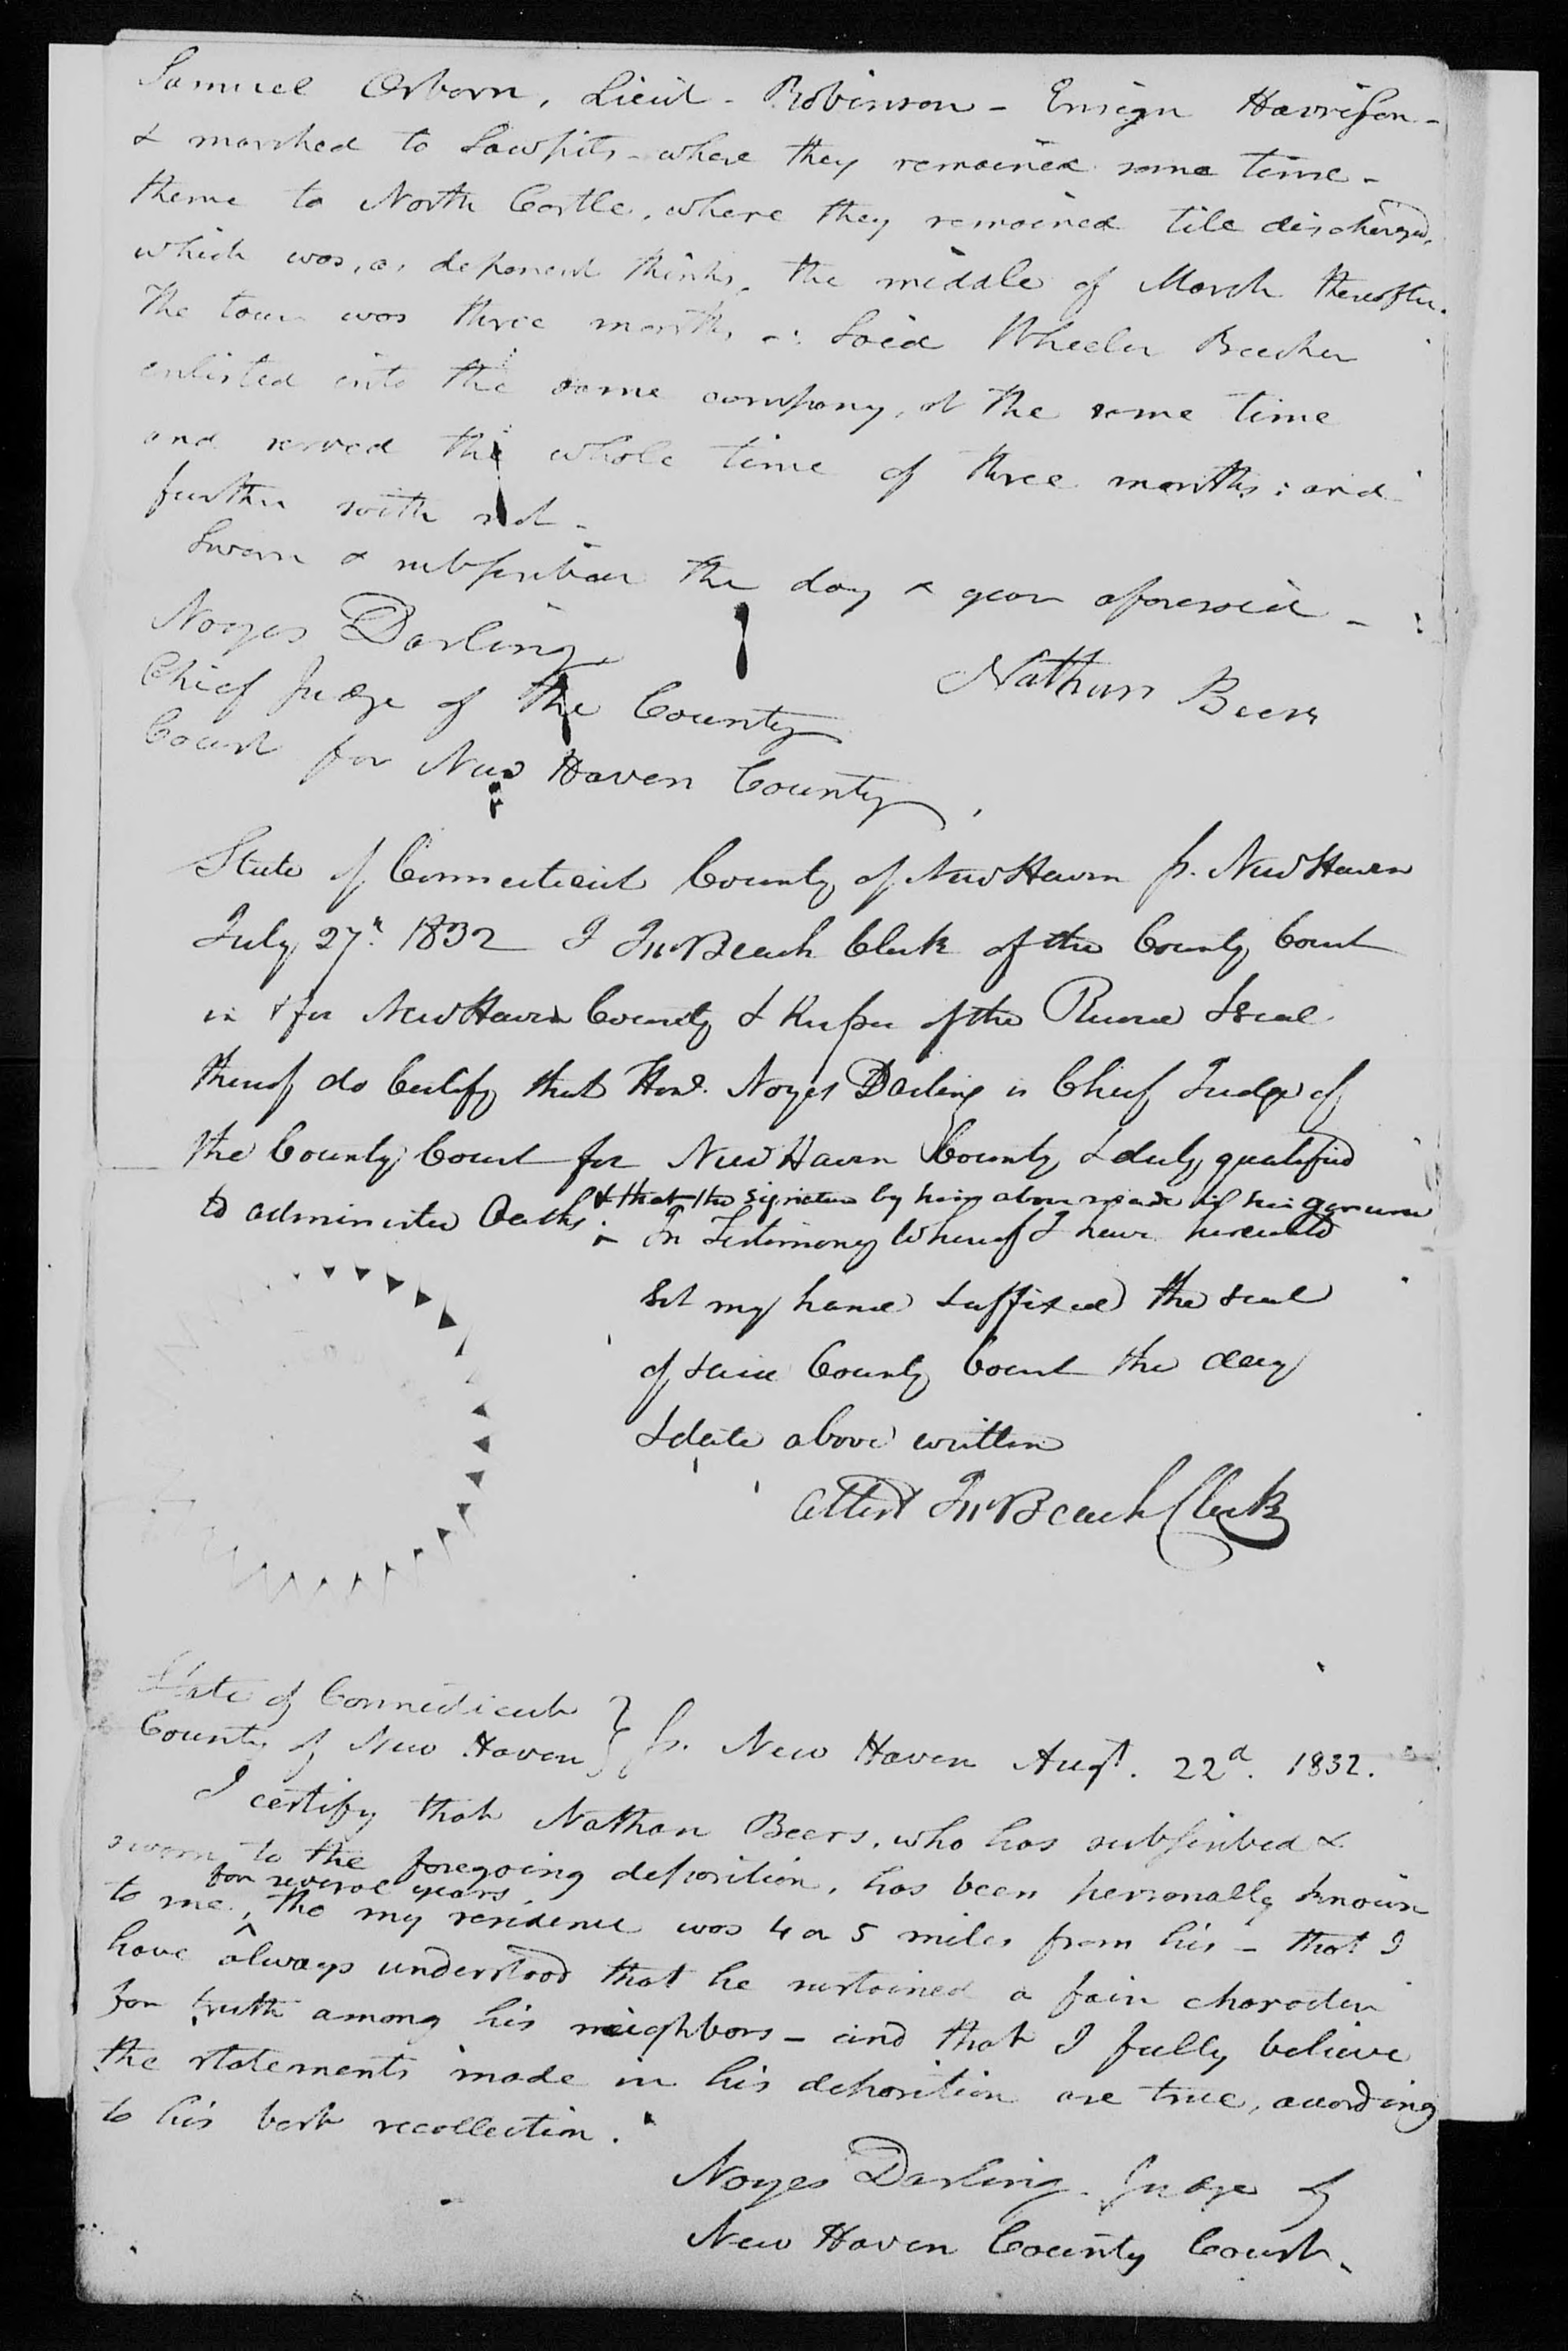Samuel Osborn, Lieut. - Robinson - Ensign Harrison & marched to Sawpits - where they remained some thence to North Castle, where they remained til which was, as the deponent thinks, the middle of May. The tour was three months & said Wheeler enlisted into the same company at the same and served the whole time of three months and further with not 
Nathan Beers
Sworn & subscribed the day & year aforesaid
Noyes Darling
Chief Judge of the County Court for New Haven County

State of Connecticut County of New Haven Ss. New Haven July27th 1832 I Jno Beach Clerk of the County Court in & for New Haven County & Keeper of the Record Seal thereof do Certify that the Hon. Noyes Darling is Chief Judge of the County Court for New Haven County & duly qualified to administer Oath & that the signature by him above made of his genuine 
In Testimony whereof I have hereunto Set my hand & affixed the seal of said County Court the day & date above written
Attest Jno Beach Clerk
[embossed seal]

State of Connecticut County of New Haven} Ss. New Haven Aug't 22d 1832.
I certify that Nathan Beers, who has subscribed & sworn to the foregoing deposition, has been personally known to me for several years. That my residence was 4 or 5 miles from his - that I have always understood that he sustained a fair character for truth among his neighbors - and that I fully believe the statements made in his deposition are true, according to his best recollection.
Noyes Darling Judge of New Haven County Court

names: Noyes Darling, Noyes Darling, Nathan Beers, Wheeler Beecher, Jno Beach, Samuel Orborn, Nathan Beers, Jno Beach, Robinson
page: 13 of 21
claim: survivor's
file: S. 14943, Wheeler Beecher, Conn.